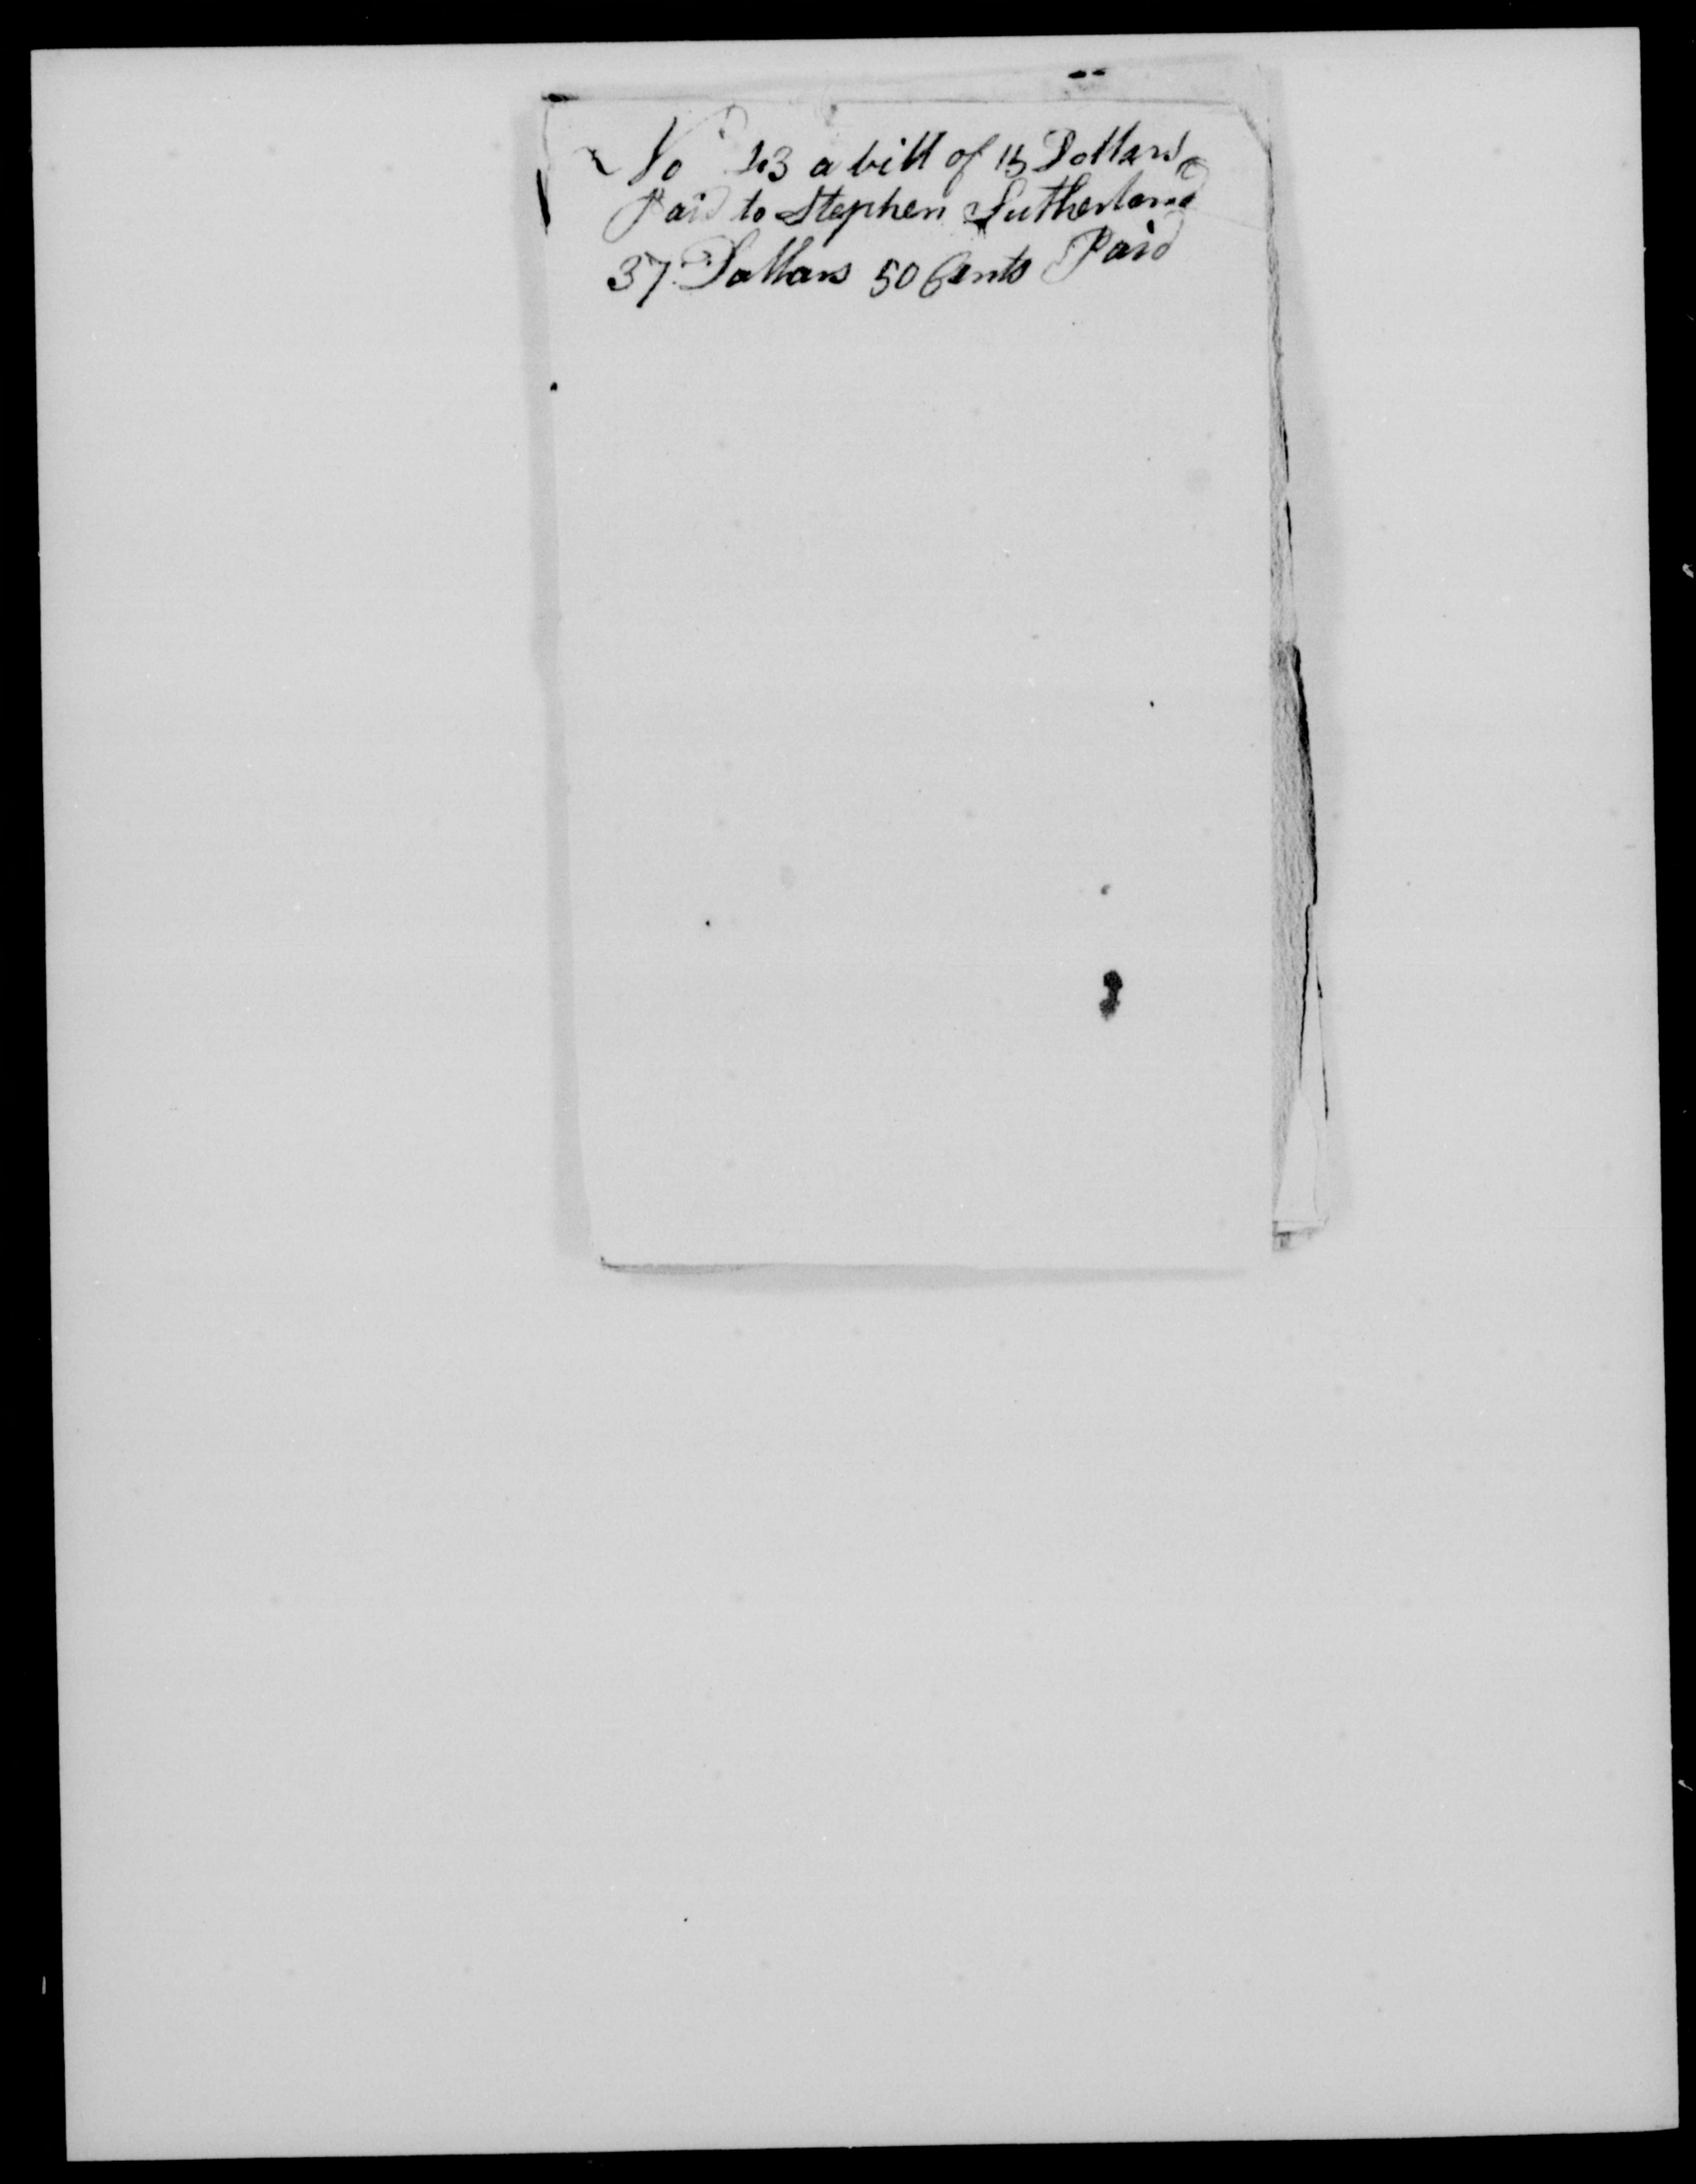[illegible] [illegible] a bill of 15 Dollars paid to Stephen Sutherland
37 Dollars 50 Cents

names: Stephen Sutherland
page: 38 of 77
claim: survivor's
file: S. 23003, for Silas Southerland, New York